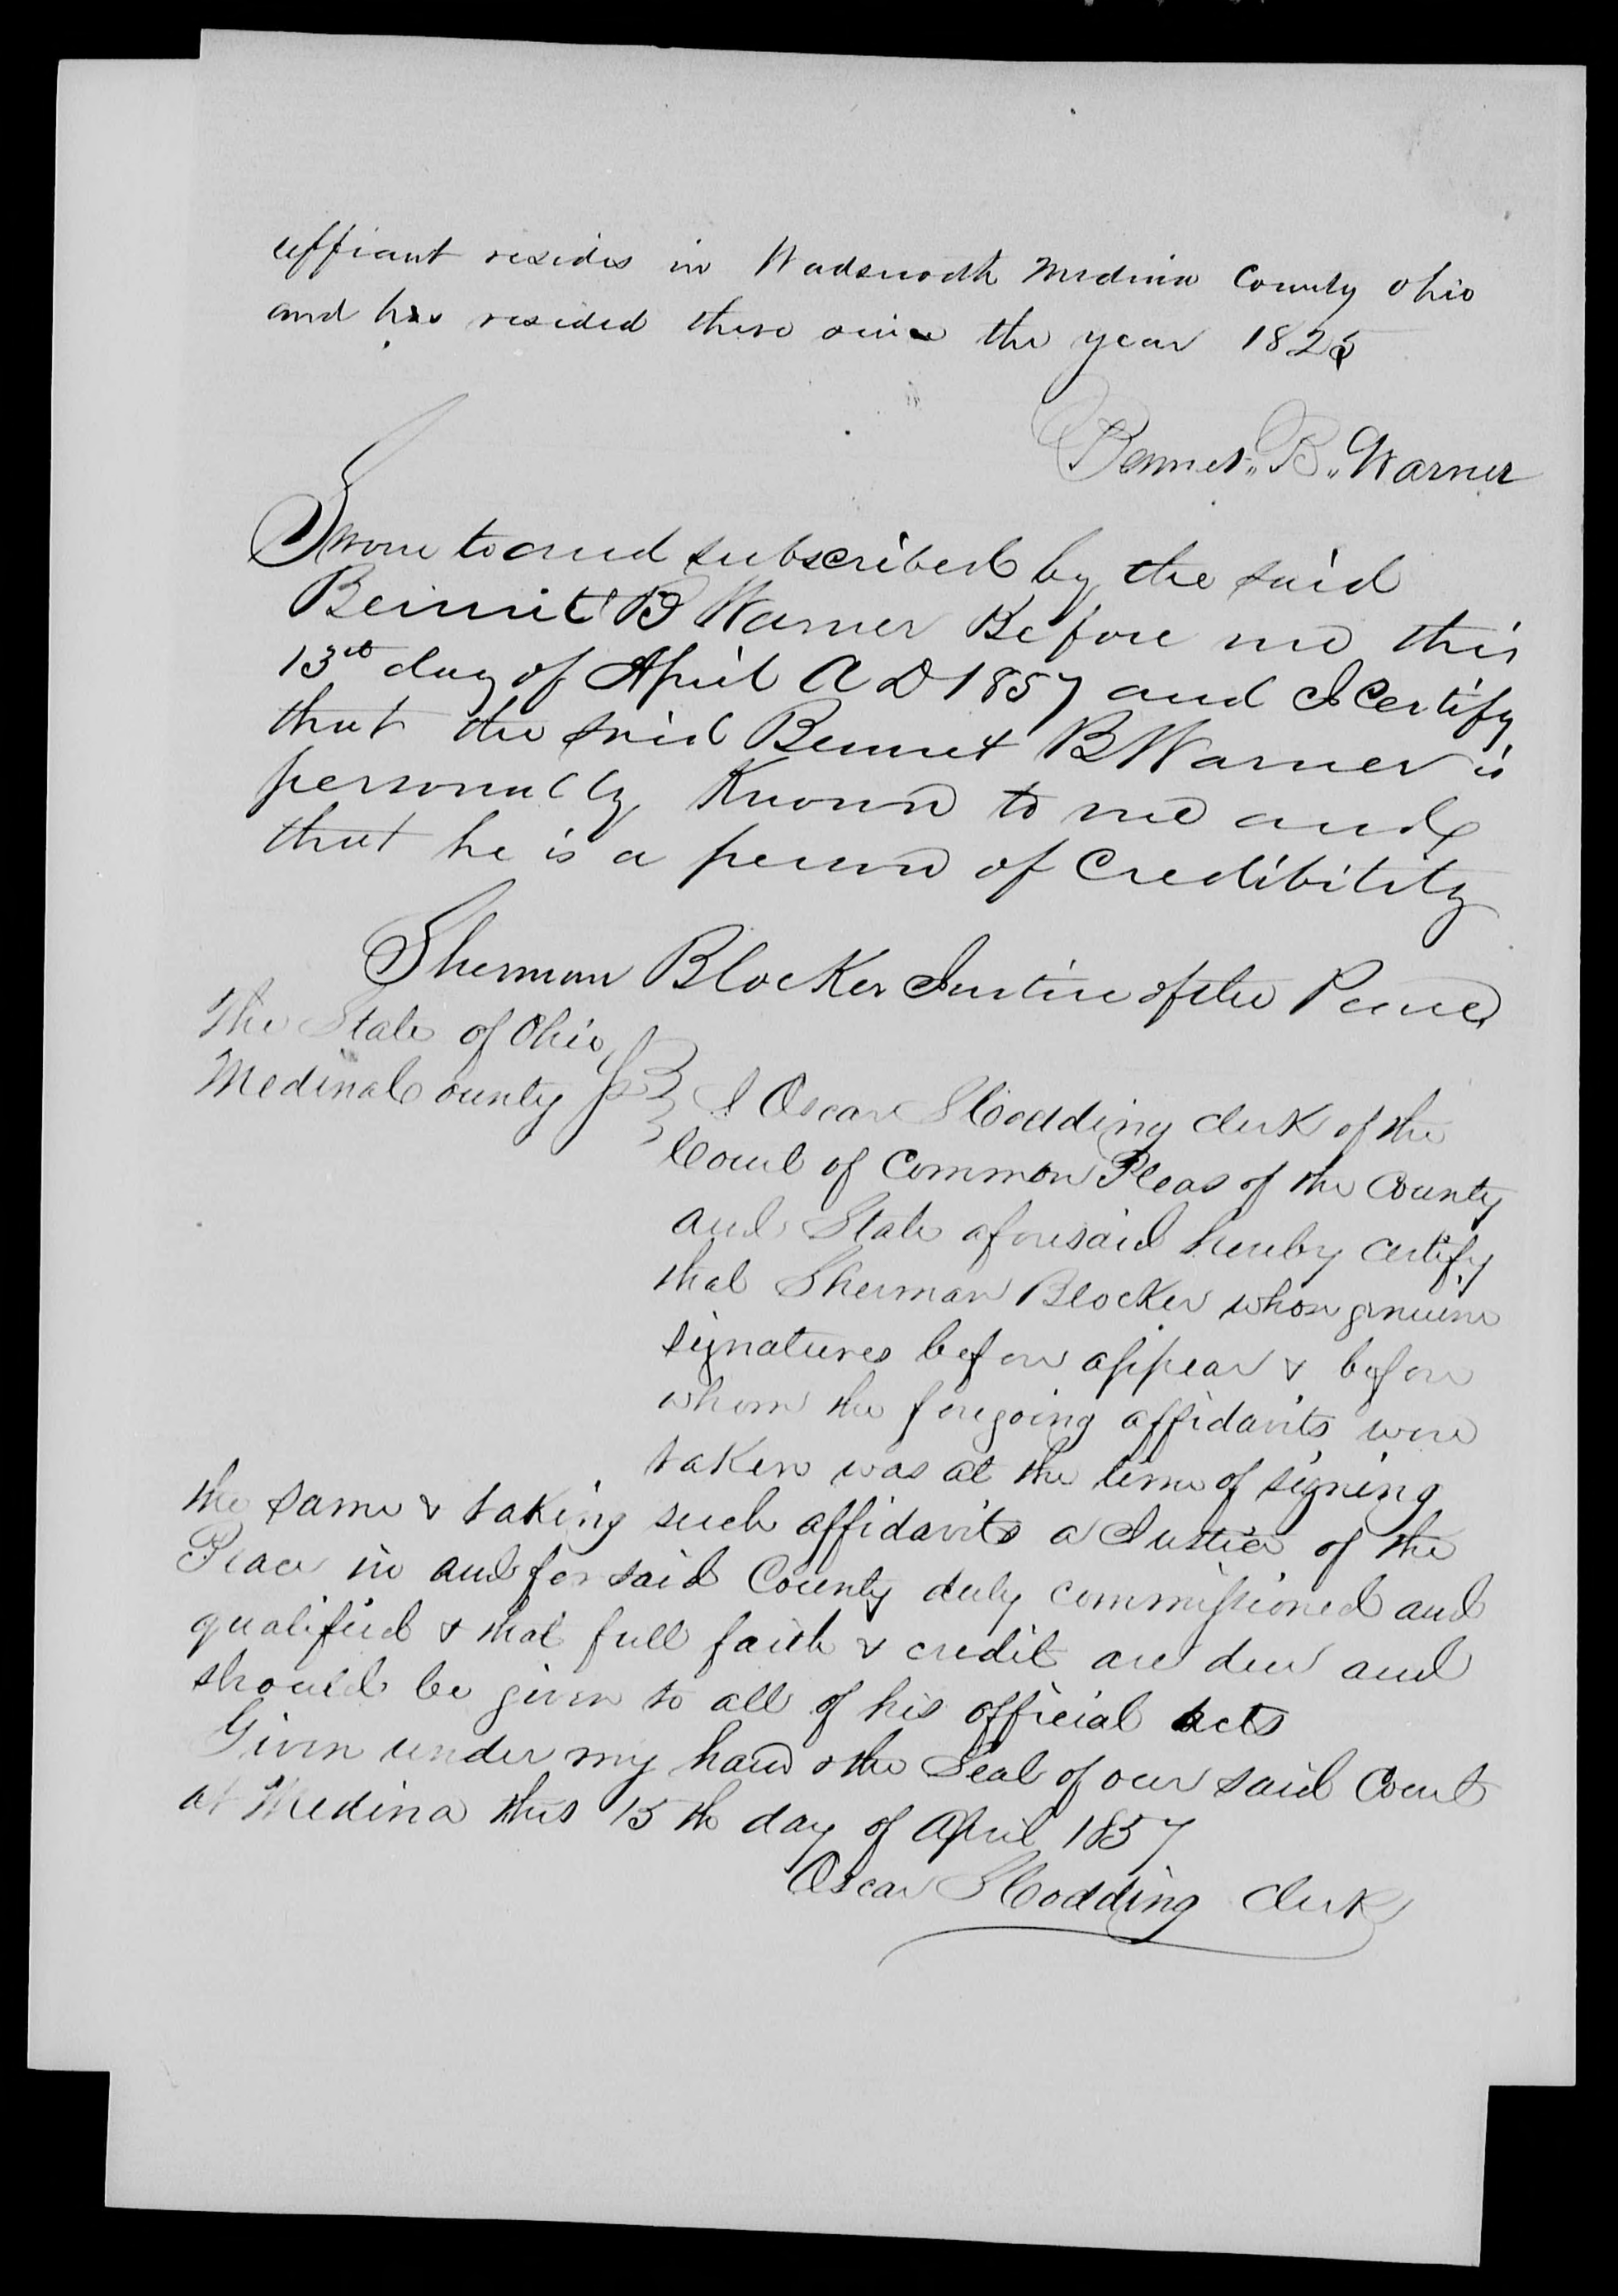affiant resides in Wadsworth Medina County Ohio
and has resided there since the year 1825
Bennet B. Warner
Sworn to and subscribed by the said
Bennet B Warner Before me this
13th day of April A D 1857 and I certify
that the said Bennet B Warner is
personally known to me and
that he is a person of credibility
Sherman Blacker Justice of the Peace
The State of Ohio
Medina County
I Oscar S Codding Clerk of the
Court of Common Pleas of the County
and State aforesaid hereby certify
that Sherman Blocker whose genuine
signatures before appear & before
whom the foregoing affidavits were
taken was at the time of signing
the same & taking such affidavit a Justice of the
Peace in and for said County duly commissioned and
qualified & that full faith & credit are due and
should be given to all of his official acts
Given under my hand & the Seal of our said Court
at Medina this 15th day of April 1857
Oscar S Codding Clerk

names: Oscar S Codding, Bennet B Warner, Sherman Blocker, Bennet B Warner, Bennitt B Warner, Sherman Blocker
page: 51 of 76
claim: widow's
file: W. 9345, Joseph Bartholomew, Conn.